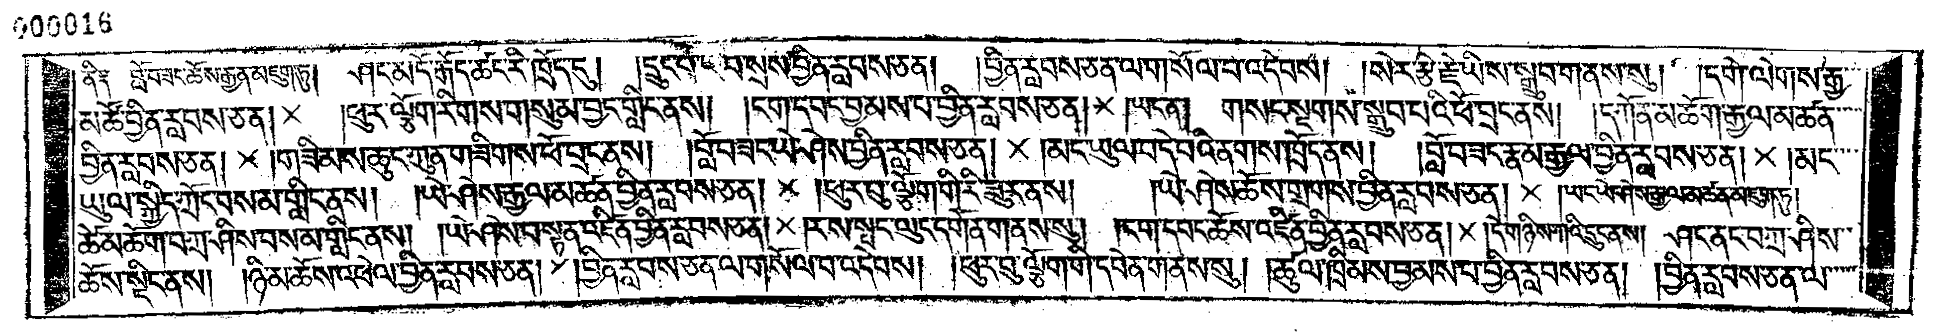ནི༑ བློ་བཟང་ཆོས་རྒྱན་མཇུག་ཏུ། ཤང་མདོ་རྒོད་ཚང་རི་ཁྲོད་དུ། །དྲུང་བ་ཡབ་སྲས་བྱིན་རླབས་ཅན། །བྱིན་རླབས་ཅན་ལ་གསོལ་བ་འདེབས། །སེར་རྩེ་རྗེ་ཡིས་སྒྲུབ་གནས་སུ། །དགེ་ལེགས་རྒྱ་
མཚོ་བྱིན་རླབས་ཅན། ྾་།ཕུར་ལྕོག་རིགས་གསུམ་བྱང་གླིང་ནས། །ངག་དབང་བྱམས་པ་བྱིན་རླབས་ཅན།྾་།ཡང་ན།  གསང་སྔགས་སྒྲུབ་པའི་ཕོ་བྲང་ནས། །དཀོན་མཆོག་རྒྱལ་མཚན་
བྱིན་རླབས་ཅན། ྾་།གཟིམས་ཆུང་ཀུན་གཟིགས་ཕོ་བྲང་ནས། །བློ་བཟང་ཡེ་ཤེས་བྱིན་རླབས་ཅན། ྾་།མང་ཡུལ་བདེ་བའི་ནགས་ཁྲོད་ནས། །བློ་བཟང་རྣམ་རྒྱལ་བྱིན་རླབས་ཅན། ྾་།མང་
ཡུལ་སྐྱིད་ཀྲོང་བསམ་གླིང་ནས། །ཡེ་ཤེས་རྒྱལ་མཚན་བྱིན་རླབས་ཅན། ྾། །ཕུར་བུ་ལྕོག་གི་རི་ཟུར་ནས། །ཡེ་ཤེས་ཆོས་གྲགས་བྱིན་རླབས་ཅན། ྾་། ཡང་ཡེ་ཤེས་རྒྱལ་མཚན་མཇུག་ཏུ།
ཚེ་མཆོག་བཀྲ་ཤིས་བསམ་གླིང་ནས། །ཡེ་ཤེས་བསྟན་འཛིན་བྱིན་རླབས་ཅན། ྾་།ར་ས་སྤང་ལུང་དགོན་གནས་སུ། །ངག་དབང་ཆོས་འཛིན་བྱིན་རླབས་ཅན། ྾་།དེ་གཉིས་ཀའི་དྲུང་ནས།  ཤང་ནང་བཀྲ་ཤིས་
ཆོས་སྡིང་ནས། །ཉི་མ་ཆོས་འཕེལ་བྱིན་རླབས་ཅན། ྾་།བྱིན་རླབས་ཅན་ལ་གསོལ་བ་འདེབས། །ཕུར་བུ་ལྕོག་གི་དབེན་གནས་སུ། །ཚུལ་ཁྲིམས་བྱམས་པ་བྱིན་རླབས་ཅན། །བྱིན་རླབས་ཅན་ལ་